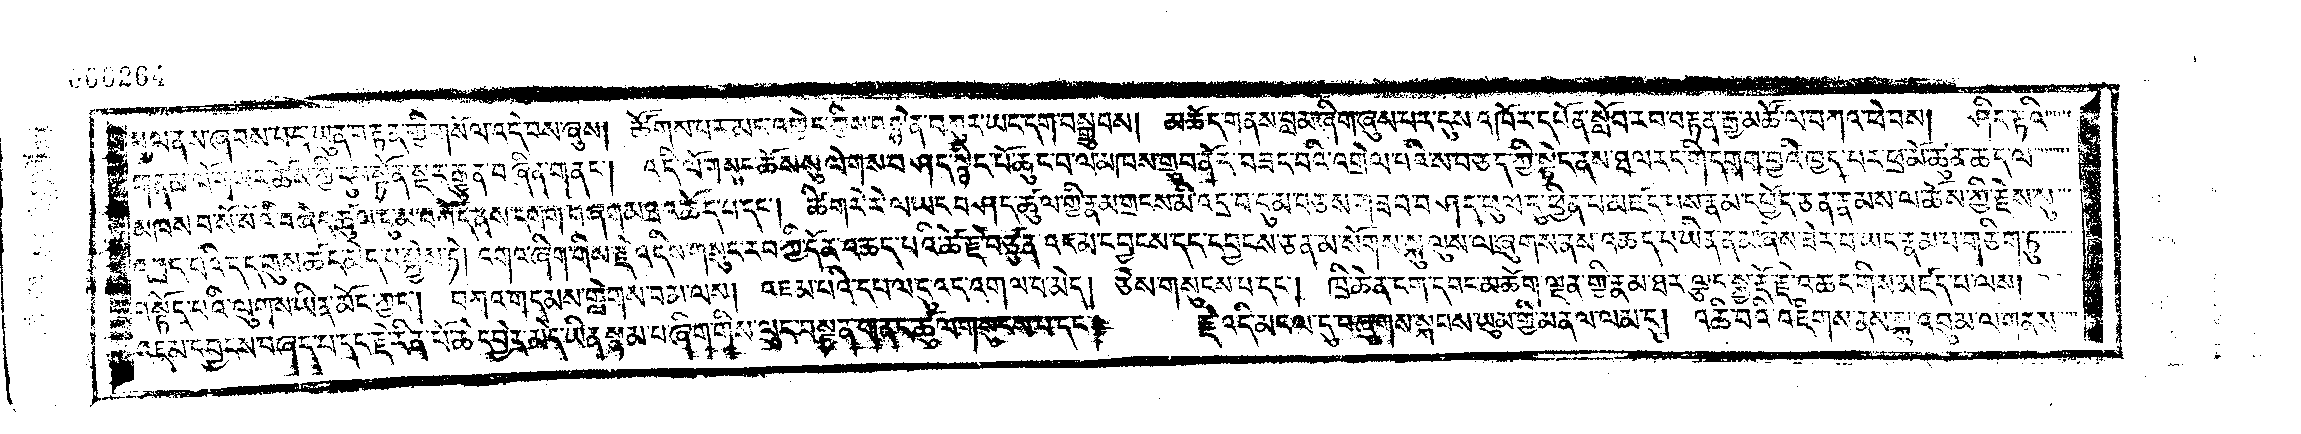ཕུལ་ནས་ཞབས་པད་ཡུན་བརྟན་གྱི་གསོལ་འདེབས་ཞུས། ཚོགས་པར་མང་འགྱེད་ཀྱིས་བསྙེན་བཀུར་ཡང་དག་བསྒྲུབས། མཆོད་གནས་བླ་མ་ཞིག་ཞུས་པར་དུས་འཁོར་དཔོན་སློབ་རབ་བརྟན་རྒྱ་མཚོ་ལ་བཀའ་ཕེབས། ཤིང་རྟའི་
གནམ་ལོ་གསར་ཚེས་ཀྱི་དུས་སྟོན་སྔར་རྒྱུན་བཞིན་གནང་། འདི་ལོ་གསུང་ཆོས་སུ་ལེགས་བཤད་སྙིང་པོ་ཆུང་བ་ལ་མཁས་གྲུབ་ནོར་བཟང་བའི་འགྲེལ་པའི་ས་བཅད་ཀྱི་སྟེང་ནས་ཐལ་རང་གི་དགག་བྱའི་ཁྱད་པར་ཕྲ་མོ་ཚུན་ཆད་ལ་
མཁས་པ་སོ་སོའི་བཞེད་ཚུལ་དུ་མ་བཀོད་ནས་དགག་བཞག་མཐའ་ཆོད་པ་དང་། ཚིག་རེ་རེ་ལ་ཡང་བཤད་ཚུལ་གྱི་རྣམ་གྲངས་མི་འདྲ་བ་དུ་མ་བཅས་གཟབ་བཤད་ཕུལ་དུ་ཕྱིན་པ་མཛད་པས་རྣམ་དཔྱོད་ཅན་རྣམས་ལ་ཆོས་ཀྱི་རྗེས་སུ་
འབྲང་བའི་དད་གུས་ཚད་མེད་པ་སྐྱེས་ཏེ། འགའ་ཞིག་གིས་རྗེ་འདིས་གསུང་རབ་ཀྱི་དོན་འཆད་པའི་ཚེ་རྗེ་བཙུན་འཇམ་དབྱངས་དང་དབྱངས་ཅན་མ་སོགས་སྐུ་ལུས་ལ་ཞུགས་ནས་འཆད་པ་ཡིན་ནམ་ཞེས་ཟེར་བ་ཡང་རྣམ་པ་གཅིག་ཏུ་
བསྟོད་པའི་ལུགས་ཡིན་མོད་ཀྱང་། བཀའ་གདམས་གླེགས་བམ་ལས། འཇམ་པའི་དཔལ་དུའང་འགལ་བ་མེད། ཅེས་གསུངས་པ་དང་། ཁྲི་ཆེན་ངག་དབང་མཆོག་ལྡན་གྱི་རྣམ་ཐར་ལྕང་སྐྱ་རྡོ་རྗེ་འཆང་གིས་མཛད་པ་ལས།
འཇམ་དབྱངས་བཞད་པ་དང་རྗེ་རིན་པོ་ཆེ་དབྱེར་མེད་ཡིན་སྙམ་པ་ཞིག་གིས་ལུང་བསྟན་གནང་ཚུལ་གསུངས་པ་དང་། རྗེ་འདི་མངལ་དུ་བཞུགས་སྐབས་ཡུམ་གྱི་མནལ་ལམ་དུ། འཆི་བའི་འཇིགས་ནས་སྐུ་འབུམ་ལ་གནས་